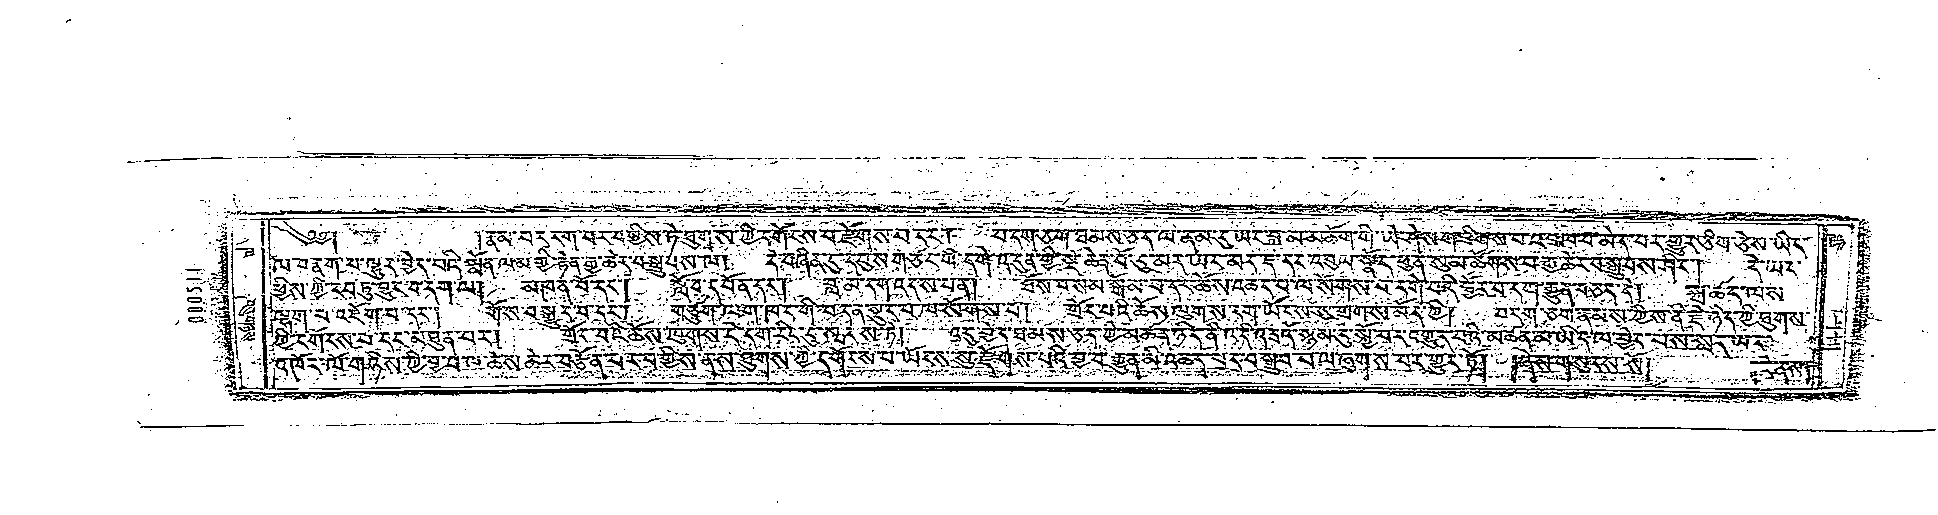༄༅། །རྣམ་པར་དག་པར་བགྱིས་ཏེ་ཐུགས་ཀྱི་དགོངས་པ་རྫོགས་པ་དང་། བདག་ཅག་ཐམས་ཅད་ལ་ནམ་དུ་ཡང་བླ་མ་མཆོག་གི་ཡེ་ཤེས་གཟིགས་པ་འབྲལ་བ་མེད་པར་གྱུར་ཅིག་ཅེས་ཡིད་
ལ་བྲང་པ་ལྷུར་བྱེད་བའི་སྨོན་ལམ་གྱི་རྟེན་རྒྱ་ཆེར་བསྒྲུབས་ལ། རེ་བཞིན་དུ་དབུས་གཙང་གི་དགེ་འདུན་གྱི་སྡེ་ཆེན་པོ་དུ་མར་ཡང་མར་ཇ་དང་འབུལ་སྣོང་ཕུན་སུམ་ཚོགས་པ་རྒྱ་ཆེར་བསྒྲུབས་ཤིང་། དེ་ཡང་
ཕྱིས་ཀྱི་རབ་ཏུ་བྱུང་བ་དག་ལ། མཁན་པོ་དང་། སློབ་དཔོན་དང་། བླ་མ་དགའ་དས་པ་ན། ཐོས་བསམ་སྒོམ་པ་དང་ཆོས་འཆད་པ་ལ་སོགས་པ་དགེ་བའི་སྦྱོར་བ་དག་རྒྱུན་བཅད་དེ། སྐྲ་ཚད་ལས་
ལྷག་པ་འཇོག་པ་དང་། གོས་བསྒྱུར་བ་དང་། གཙུག་ལག་ཁང་གི་བདན་སྡུང་པ་ལ་སོགས་པ། གྲོང་པའི་ཆོས་ལུགས་དག་ཡོངས་སུ་གྲགས་མོད་ཀྱི། བདག་ཅག་རྣམས་ཀྱིས་ནི་རྗེ་ཉིད་ཀྱི་ཐུགས་
ཀྱི་དགོངས་པ་དང་མཐུན་པར། གྲོང་བའི་ཆོས་ལུགས་དེ་དག་རིང་དུ་སྤངས་ཏེ། འདུ་བྱེད་ཐམས་ཅད་ཀྱི་མཚན་ཉིད་ནི་འདི་འདྲའོ་སྙམ་དུ་སྐྱོ་བར་འགྱུར་བའི་མཚན་མ་ཡིད་ལ་བྱེད་པས་སླར་ཡང་
འཁོར་ལོ་གཉིས་ཀྱི་བྱ་བ་ལ་ཆེས་ཆེར་བརྩོན་པར་བགྱིས་ནས་ཐུགས་ཀྱི་དགོངས་པ་ཡོངས་སུ་རྫོགས་པའི་བྱ་བ་རྒྱུན་མི་འཆད་པར་བསྒྲུབ་པ་ལ་ཞུགས་པར་གྱུར་ཏོ། །ཞེས་གསུངས་སོ། །དེ་ནས།